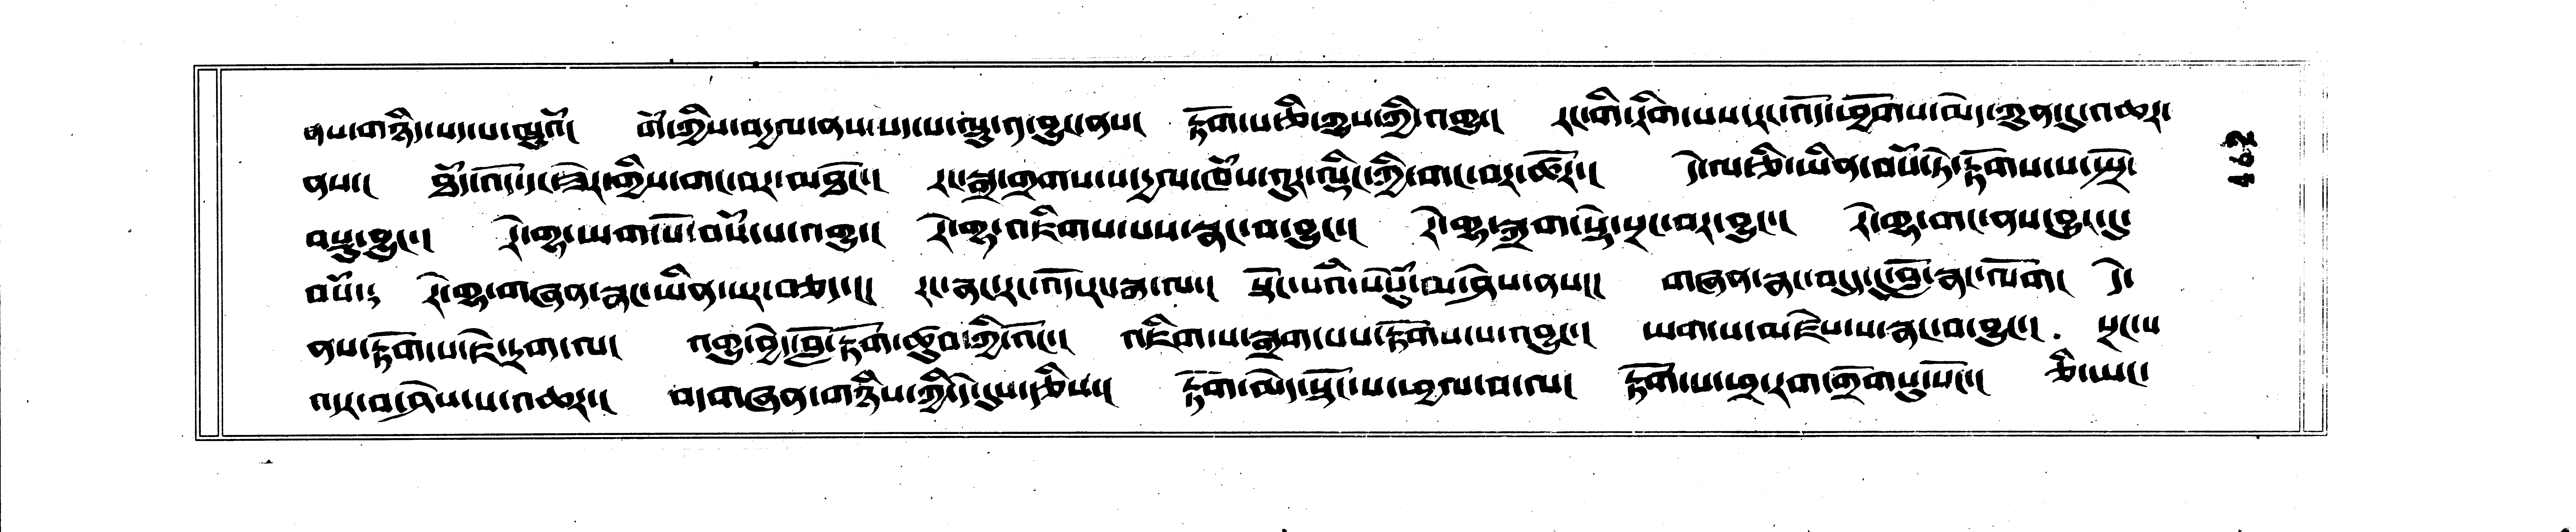ནས། གཉིད་སད་པ་ལྟ་བུ་འམ། ཀམ་གྱིས་བརྒྱལ་ནས་སད་པ་ལྟ་བུ་ཅིག་བྱུང་ནས། རྟོག་པ་གཅིག་དཀྱུས་ཀྱིས་འཇུ་༼འགྱུ་༽། རང་གི་རིག་པའི་རང་འོད་ཕྱོགས་མེད་ཀུན་ཏུ་འཆར་
ནས། ཐམས་ཅད་འོད་དང་ཟེར་གྱིས་གང་པར་མཐོང་། རང་སྒྲ་གྲགས་པ། རྒྱལ་ཁམས་འུར་དང་ལྡིར་གྱིས་གང་པར་ཚོལ། དེ་ལ་ཅི་ཡིན་བསམ་སྟེ་རྟོག་པ་སྤྲོ་
བསྡུ་བྱུང་། རེས་གྷ་(འགའ)ཡག་པོ་བསམ་པ་འབྱུང་། རེས་གྷ་འཇིགས་པའི་སྣང་བ་འབྱུང་། རེས་གྷ་(འགའ)སྐྲགས་སྟེ་སྔང་པར་འབྱུང་། རེས་གྷ་(འགའ)གང་ནས་འབྱུང་དུ་
བསམ། རེས་གྷ་(འགའ)གཞན་སྣང་ཡིན་པར་བཅད། རང་སྣང་རང་སྒྲ་རང་འོད་ལ། སྟོང་པ་སེམས་སུ་མ་ཤེས་ནས། གཞན་སྣང་བདུད་དུ་བློ་སྣ་ལོག དེ་
ནས་རྟོགས་པ་རྗེས་དྲན་ལ། འགྱུ་བྱེད་བློ་རྟོག་ཚུབ་ཀྱིས་སོང་། འཇིགས་ལ་སྐྲགས་པའི་སྣང་བ་འབྱུང་། ཡག་ལ་མཛེས་པའི་སྣང་བ་འབྱུང་། སྔང་ལ་
འདར་བའི་ཤེས་པ་འཆར། བདག་གཞན་གཉིས་ཀྱང་དེ་དུས་བརྩིས། རྟོག་མེད་སྟོང་པ་ཕྱལ་བ་ལ། རྟོག་པ་འཕྲ་རག་དྲག་ཏུ་‘‘གྲོགས་སུ”སོང་། ཅི་ཡང་